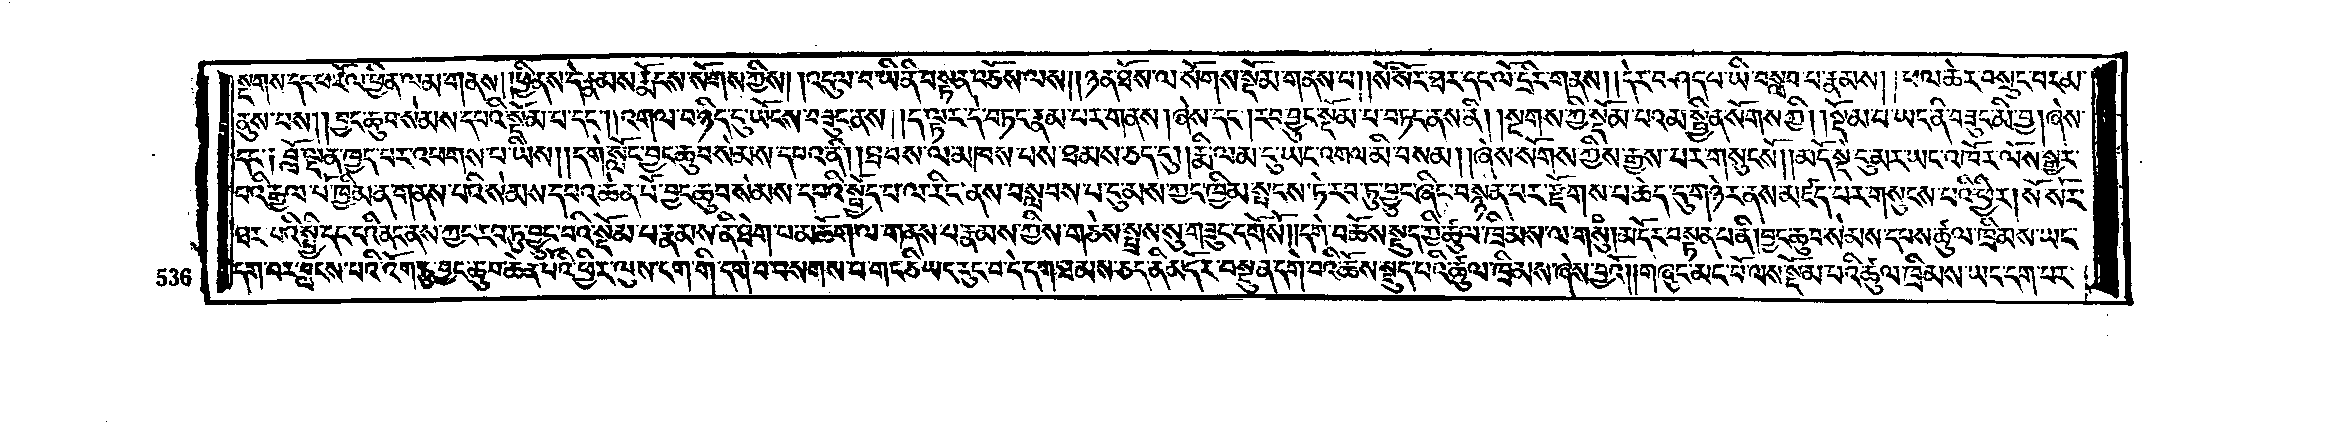སྔགས་དང་ཕ་རོལ་ཕྱིན་ལམ་གནས། །ཕྱི་ནས་དེ་རྣམས་རྨོངས་སོགས་ཀྱིས། །འདུལ་བ་ཡི་ནི་བསྟན་བཅོས་ལས། །ཉན་ཐོས་ལ་སོགས་སྡོམ་གནས་པ། །སོ་སོར་ཐར་དང་ལོ་དྲིར་གནས། །དེར་བཤད་པ་ཡི་བསླབ་པ་རྣམས། །ཕལ་ཆེར་བསྲུང་བར་མ་
ནུས་པས། །བྱང་ཆུབ་སེམས་དཔའི་སྡོམ་པ་དང་། །འགལ་བ་ཉིད་དུ་ཡོངས་བཟུང་ནས། །ད་ལྟར་དེ་བཏང་རྣམ་པར་གནས། ཞེས་དང་། རབ་བྱུང་སྡོམ་པ་བཏང་ནས་ནི། །སྔགས་ཀྱི་སྡོམ་པའམ་སྦྱིན་སོགས་ཀྱི། །སྡོམ་པ་ཡང་ནི་བཟུང་མི་བྱ། ཞེས་
དང༑ བློ་ལྡན་ཁྱད་པར་འཕགས་པ་ཡིས། །དགེ་སློང་བྱང་ཆུབ་སེམས་དཔའ་ནི། །ཐབས་ལ་མཁས་པས་ཐམས་ཅད་དུ། །རྨི་ལམ་དུ་ཡང་འགལ་མི་བསམ། །ཞེས་སོགས་ཀྱིས་རྒྱས་པར་གསུངས་སོ། །མདོ་སྡེ་དུ་མར་ཡང་འཁོར་ལོས་སྒྱར་
པའི་རྒྱལ་པོ་ཁྱིམ་ན་གནས་པའི་སེམས་དཔའ་ཆེན་པོ་བྱང་ཆུབ་སེམས་དཔའི་སྤྱོད་པ་ལ་རིང་ནས་བསླབས་པ་དུ་མས་ཀྱང་ཁྱིམ་སྤངས་ཏེ་རབ་ཏུ་བྱུང་ཞིང་བསྙན་པར་རྫོགས་པ་ཆེད་དུ་གཉེར་ནས་མཛད་པར་གསུངས་པའི་ཕྱིར། སོ་སོར་
ཐར་པའི་སྤྱི་དང་ངའི་ནང་ནས་ཀྱང་རབ་ཏུ་བྱུང་བའི་སྡོམ་པ་རྣམས་ནི་ཐེག་པ་མཆོག་ལ་གནས་པ་རྣམས་ཀྱིས་གཅེས་སྤྲས་སུ་གཟུང་དགོས་སོ། །དགེ་བ་ཆོས་སྡུད་ཀྱི་ཚུལ་ཁྲིམས་ལ་གསུམ། མདོར་བསྟན་པ་ནི། བྱང་ཆུབ་སེམས་དཔས་ཚུལ་ཁྲིམས་ཡང་
དག་བར་བླངས་པའི་འོག་ཏུ་བྱང་ཆུབ་ཆེན་པོའི་ཕྱིར་ལུས་ངག་གི་དགེ་བ་བསགས་པ་གང་ཅི་ཡང་རུང་བ་དེ་དག་ཐམས་ཅད་ནི་མདོར་བསྡུ་ན་དགེ་བའི་ཆོས་སྡུད་པའི་ཚུལ་ཁྲིམས་ཞེས་བྱའོ། །གཞུང་མང་པོ་ལས་སྡོམ་པའི་ཚུལ་ཁྲིམས་ཡང་དག་པར་